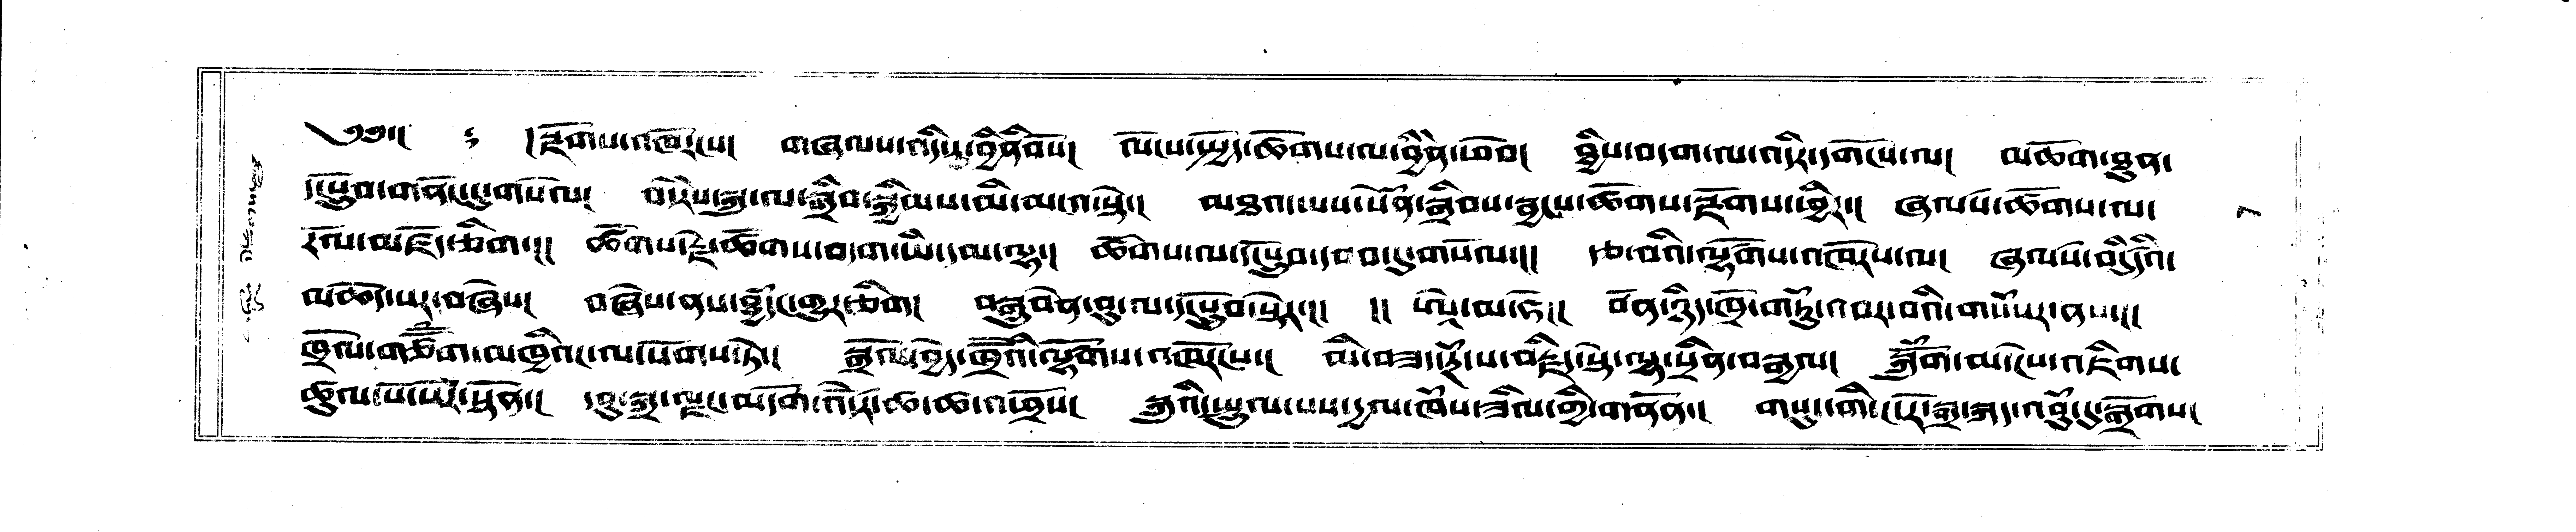རྫོགས་འཁོར་དང་བཅས། གཞལ་ཡས་འདི་རུ་བྱིན་གྱིས་རློབས། ལོངས་སྤྱོད་ཚོགས་ལ་བྱིན་ཆེན་ཕོབ། ཐུགས་ཀྱི་བདག་ལ་འདིར་དགོངས་ལ། མཆོག་ཐུན་
དངོས་གྲུབ་གནོང་དུ་གསོལ། བདེར་གཤེགས་སྐུ་ལ་སྒྲིབ་སྐྱིམས་མི་མངའ་སྟེ། མཐའ་ཡས་སེམས་ཅན་སྒྲིབས་སྦྱངས་ཚོགས་རྫོགས་ཕྱིར། ཞལ་ཟས་ཚོགས་ལ་
རོལ་མཛོད་ཅིག ཚོགས་རྗེ་ཚོགས་བདག་ཡི་དམ་ལྷ། ཚོགས་ལ་དངོས་གྲུབ་དབབ་དུ་གསོལ།། རྩ་བའི་ལྷ་ཚོགས་འཁོར་འདས་ལ། ཞལ་ཟས་བདུད་
རྩིའི་མཆོད་པར་བཞེས། བཞེས་ནས་ཐུགས་དམ་བསྐང་གྱུར་ཅིག བསྒྲུབ་ཆེན་བུ་ལ་དངོས་གྲུབ་སྟེར།། །།ཨེ་མ་ཧོ།། བོན་ཉིད་ཁྲོ་གཏུམ་འབར་བའི་གསས་མཁར་ནས།།
 ཁྲོ་རྒྱལ་གཙོ་མཆོག་མཁའ་འགྱིང་ལ་སོགས་ཏེ། སྒྲོལ་བྱེད་ཁྲོ་བོའི་ལྷ་ཚོགས་འཁོར་དང་བཅས། མི་བཟད་རྔམ་པ་བརྗིད་སྟེ་ལྷ་སྲིན་བརྒྱལ། སྐུ་མདོག་མ་ངེས་འཇིགས་
ཚུལ་སོ་སོར་སྟོན། དབུ་སྐྲ་ལྗང་མདོག་འོད་ཟེར་ཚ་ཚ་འཕྲོས། སྐུའི་སྤྲུལ་པས་རྒྱལ་ཁམས་ཟིལ་གྱིས་གནོན། གསུང་གི་ང་རོ་སྒྲ་སྐད་འབུམ་དུ་སྒྲོགས།